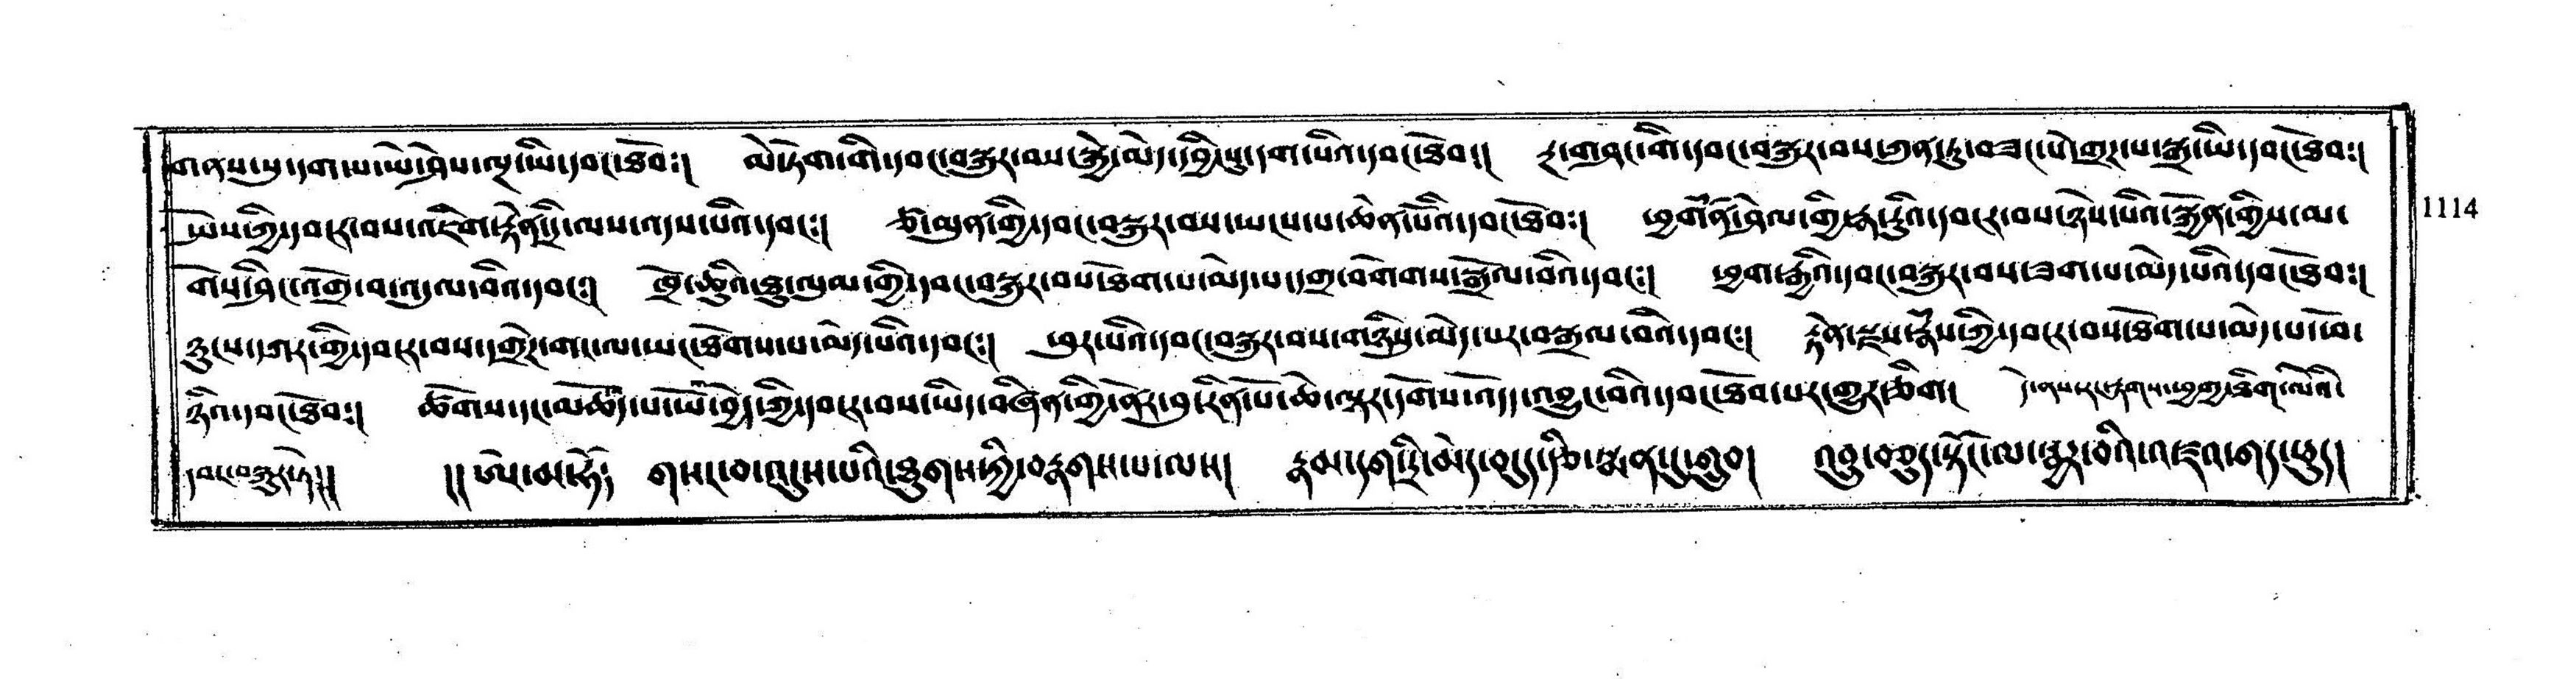གནས་སུ་དག་པ་ཡེ་ཤེས་ལྔ་ཡི་དབང་ཐོབ༴། མེ་ཏོག་གི་དབང་བསྐུར་བས་སྐྱེ་མེད་དབྱིངས་སུ་དག་པའི་དབང་ཐོབ་པར་གྱུར་ཅིག རྔ་གཤང་གི་དབང་བསྐུར་བས་ཀུན་ཏུ་བཟང་པོ་གྲགས་པ་སྒྲ་ཡི་དབང་ཐོབ་པར་གྱུར་ཅིག 
སྤོས་ཀྱི་དབང་བསྐུར་བས་འཇིག་རྟེན་དྲི་ལས་འདས་པའི་དབང་༴། ཙ་མུན་གྱི་དབང་བསྐུར་བས་ཡངས་པ་ཆེན་པོའི་དབང་ཐོབ༴། ཕྱག་མཚན་ཤེལ་གྱི་རྣ་རུའི་དབང་བསྐུར་བས་ཉེས་པའི་སྐྱོན་གྱིས་མ་
གོས་ཤིང་འགྲོ་བ་འདུལ་བའི་དབང༴། ཁྲོ་ཆུའི་ཐུ་ལུམ་གྱིས་དབང་བསྐུར་བས་ཐོག་པ་མེད་པ་དགྲ་བགེགས་སྒྲོལ་བའི་དབང་༴། ཕྱག་རྒྱའི་དབང་བསྐུར་བས་ཟག་པ་མེད་པའི་དབང་ཐོབ༴། 
ཉུངས་དཀར་གྱི་དབང་བསྐུར་བས་དགྲ་བགེགས་གང་ལ་ཡང་ཐོགས་པ་མེད་པའི་དབང་༴། ཕུར་པའི་དབང་བསྐུར་བས་གཉིས་སུ་མེད་པར་བསྒྲལ་བའི་དབང་༴། རྟེན་རྫས་རྣམས་ཀྱི་དབང་བསྐུར་བས་ཐོག་པ་མེད་པ་ཕོ་
ཉའི་དབང་ཐོབ༴། ཚོགས་དང་མཆོད་པ་ཡོ་བྱེད་ཀྱི་དབང་བསྐུར་བས་ཡིད་བཞིན་གྱི་ནོར་བུ་རིན་པོ་ཆེ་ལྟར་དགོས་འདོད་འབྱུང་བའི་དབང་ཐོབ་པར་གྱུར་ཅིག དེ་ནས་རང་རྟགས་ཕྱག་རྒྱ་ཐིག་ལེའི་
དབང་བསྐུར་ཏེ། །ཨེ་མ་ཧོ། གསང་བ་འདུས་པའི་ཐུགས་ཀྱི་བརྣགས་པ་{1135}ལས། རྣམ་དག་དྲི་མེད་བདུད་རྩི་སྨན་དུ་གྲུབ། འབྲུ་བཅུད་སྟོང་ལ་སྦྱར་བའི་འཛའ་གད་ཕུད།